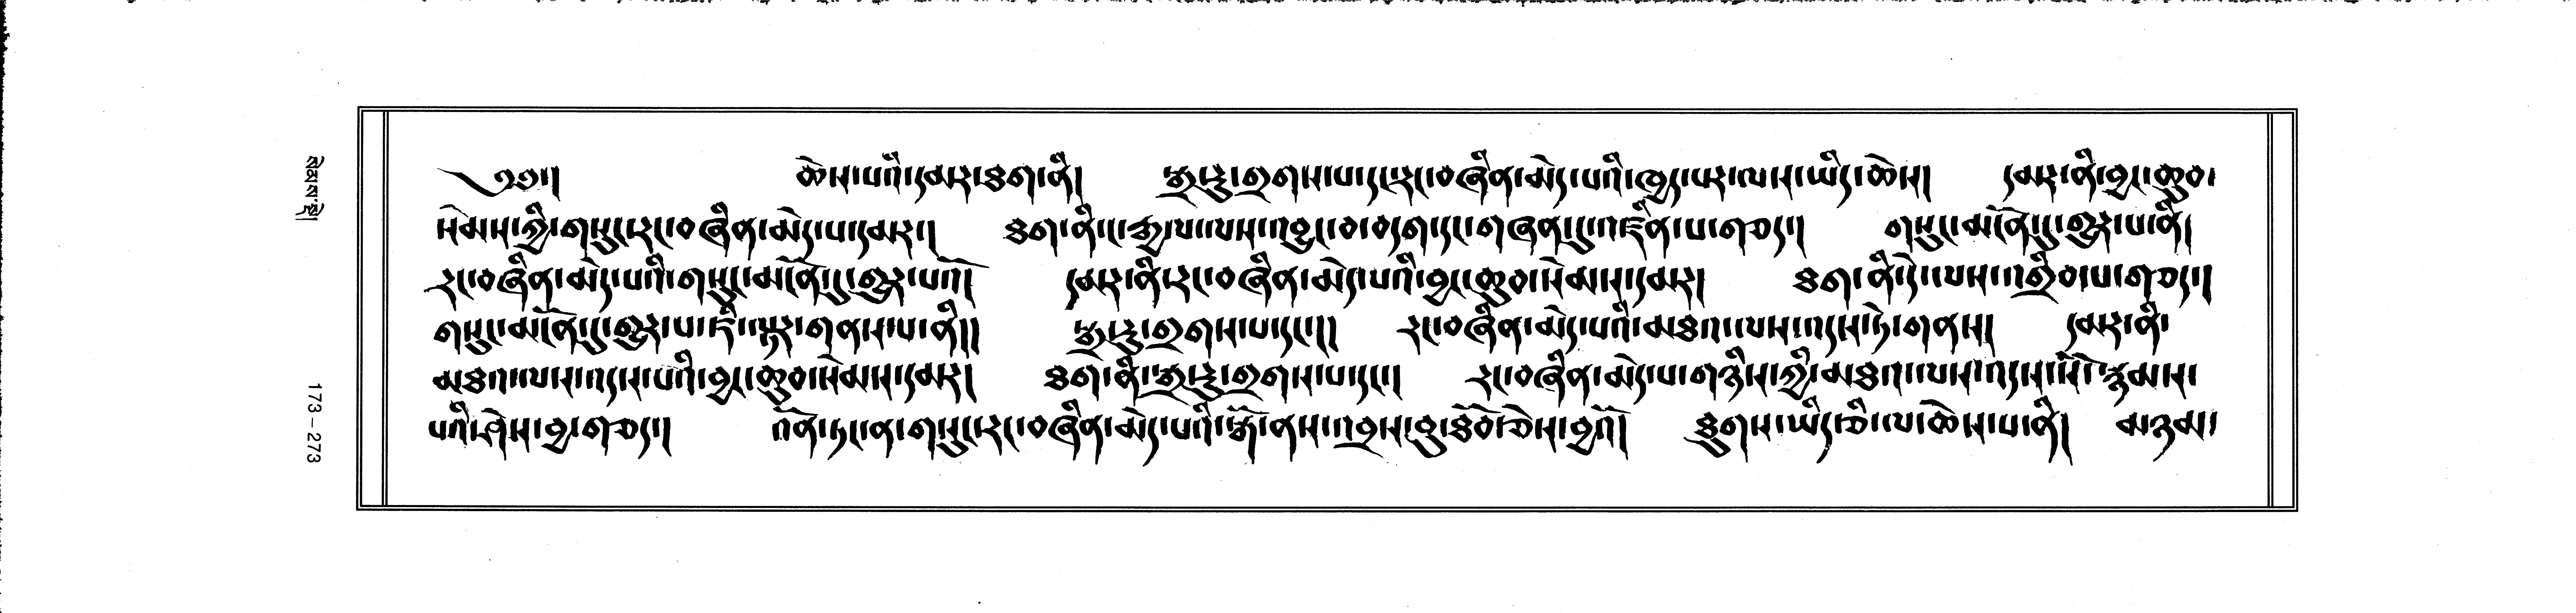ཆེས་པའི་དམར་ཐག་ནི། སྒྲ་རུ་གྲག་པ་དང་རང་བཞིན་མེད་པའི་ཁྱད་པར་ལ་ཡིད་ཆེས། དམར་ནི་བྱང་ཆུབ་
སེམས་ཀྱི་གསུང་རང་བཞིན་མེད་པ་དམར། ཐག་ནི་ང་རྒྱལ་ལས་འབྱུང་བ་བདག་དང་གཞན་དུ་འཛིན་པ་གཅད། གསུང་མངོན་དུ་གྱུར་པ་ནི་
རང་བཞིན་མེད་པའི་གསུང་མངོན་དུ་གྱུར་པའོ། །དམར་ནི་རང་བཞིན་མེད་པའི་བྱང་ཆུབ་ཀྱི་སེམས་དམར། ཐག་ནི་དེ་ལས་འགྲིབ་པ་གཅད། 
གསུང་མངོན་དུ་གྱུར་པ་ཇི་ལྟར་གནས་པ་ནི། སྒྲ་རུ་གྲགས་པ་དང་། རང་བཞིན་མེད་པའི་མཐའ་ལས་འདས་ཏེ་གནས། དམར་ནི་
མཐའ་ལས་འདས་པའི་བྱང་ཆུབ་སེམས་དམར། ཐག་ནི་སྒྲ་རུ་གྲགས་པ་དང་། རང་བཞིན་མེད་པ་གཉིས་ཀྱི་མཐའ་ལས་འདས་སོ་སྙམ་
པའི་ཤེས་བྱ་གཅད། འོན་ཏང་ན་གསུང་རང་བཞིན་མེད་པའི་སྒོ་ནས་འབྲས་བུ་ཐོབ་ཅེས་བྱའོ། །ཐུགས་ཡིད་ཅི་ལ་ཆེས་པ་ནི། མཉམ་